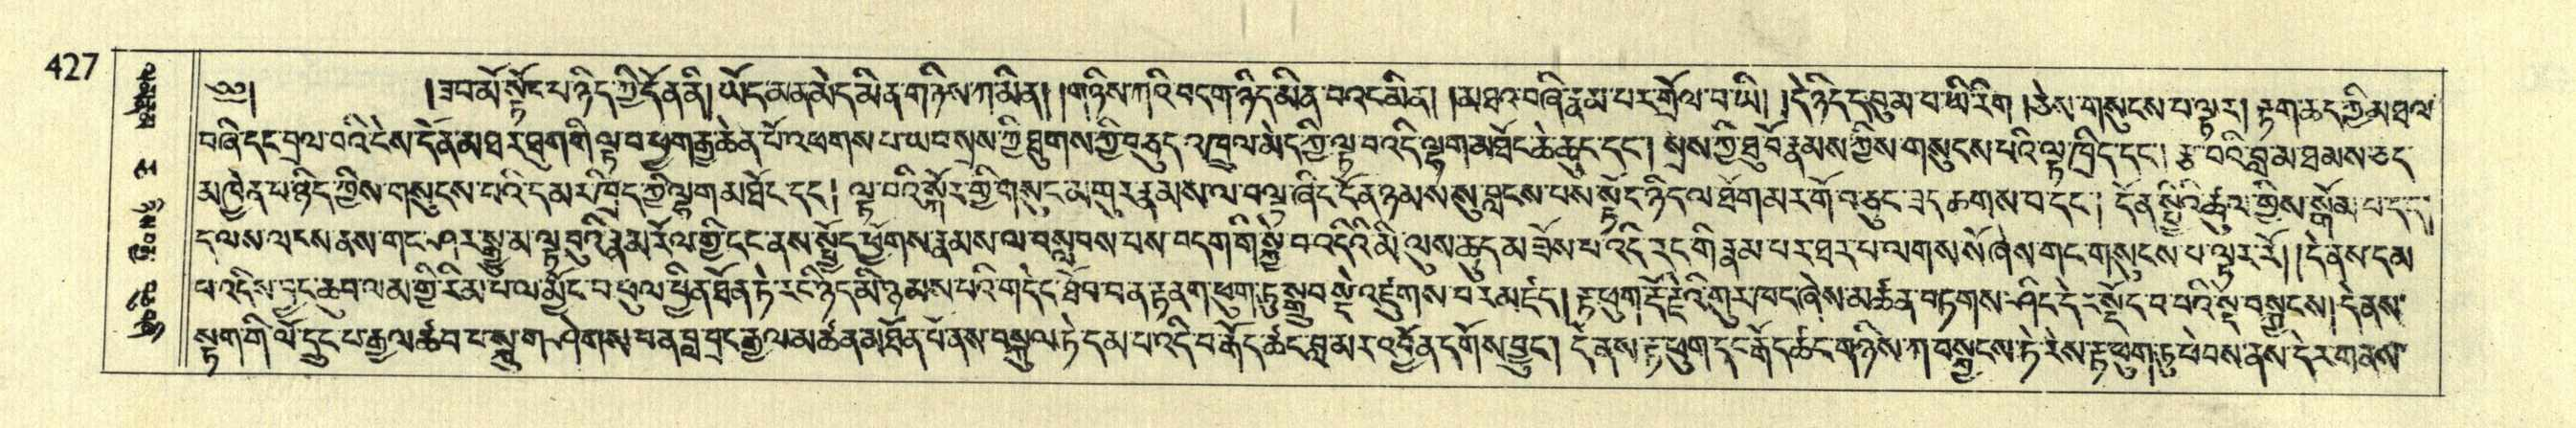༄༅། །ཟབ་མོ་སྟོང་པ་ཉིད་ཀྱི་དོན་ནི། ཡོད་མན་མེད་མིན་གཉིས་ཀ་མིན། །གཉིས་ཀའི་བདག་ཉིད་མིན་བའང་མིན། །མཐའ་བཞི་རྣམ་པར་གྲོལ་བ་ཡི། །དེ་ཉིད་དབུམ་པ་ཡི་རིག །ཅེས་གསུངས་པ་ལྟར། རྟག་ཆད་ཀྱི་མཐལ་
བཞི་དང་བྲལ་བའི་ངེས་དོན་མཐར་ཐུག་གི་ལྟ་བ་ཕྱག་རྒྱ་ཆེན་པོ་འཕགས་པ་ཡབ་སྲས་ཀྱི་ཐུགས་ཀྱི་བཅུད་འཁྲུལ་མེད་ཀྱི་ལྟ་བ་འདི་ལྷག་མཐོང་ཆེ་ཆུང་དང་། སྲས་ཀྱི་ཐུ་བོ་རྣམས་ཀྱིས་གསུངས་པའི་ལྟ་ཁྲིད་དང་། རྩ་བའི་བླ་མ་ཐམས་ཅད་
མཁྱེན་པ་ཉིད་ཀྱིས་གསུངས་པའི་དམར་ཁྲིད་ཀྱི་ལྷག་མཐོང་དང་། ལྟ་བའི་སྐོར་གྱི་གསུང་མགུར་རྣམས་ལ་བལྟ་ཞིང་དོན་ཉམས་སུ་བླངས་པས་སྟོང་ཉིད་ལ་ཐོག་མར་གོ་བ་ཅུང་ཟད་ཆགས་བ་དང་། དོན་སྤྱིའི་ཚུལ་གྱིས་སྒོམ་པ་དད།
ད་ལས་ལངས་ནས་གང་ཤར་སྒྱུ་མ་ལྟ་བུའི་རྣམ་རོལ་གྱི་དང་ནས་སྤྱོད་ཕྱོགས་རྣམས་ལ་བསླབས་པས་བདག་གི་སྐྱེ་བ་འདིའི་མི་ལུས་ཆུད་མ་ཟོས་པ་འདི་རང་གི་རྣམ་པར་ཐར་པ་ལགས་སོ་ཞེས་གང་གསུངས་པ་ལྟར་རོ། །དེ་ནས་དམ་
པ་འདིས་བྱང་ཆུབ་ལམ་གྱི་རིམ་པ་ལ་མྱོང་བ་ཕུལ་ཕྱིན་ཐོན་ཏེ་རང་ཉིད་མི་ཉམས་པའི་གདེང་ཐོབ་བ་ན་རྟ་ནག་ཕུག་ཏུ་སྒྲུབ་སྡེ་འཛུགས་པར་མཛད། རྟ་ཕུག་རྡོ་རྗེའི་གུར་ཁང་ཞེས་མཚན་བཏགས་ཤིང་དེར་སྡོང་བ་པའི་སྡེ་བསྐྱངས། དེ་ནས་
སྟག་གི་ལོ་དྲུང་པ་རྒྱལ་ཚབ་པ་སྐུ་གཤེགས་བན་བླ་བྲང་རྒྱལ་མཚན་མཐོན་པོ་ནས་བསྐུལ་ཏེ་དམ་པ་འདི་བ་རྒོད་ཚང་བླ་མར་འབྱོན་དགོས་བྱུང་། དེ་ནས་རྟ་ཕུག་དང་རྒོད་ཚང་གཉིས་ཀ་བསྐྱངས་ཏེ་རེས་རྟ་ཕུག་ཏུ་ཕེབས་ནས་དེར་གནས་